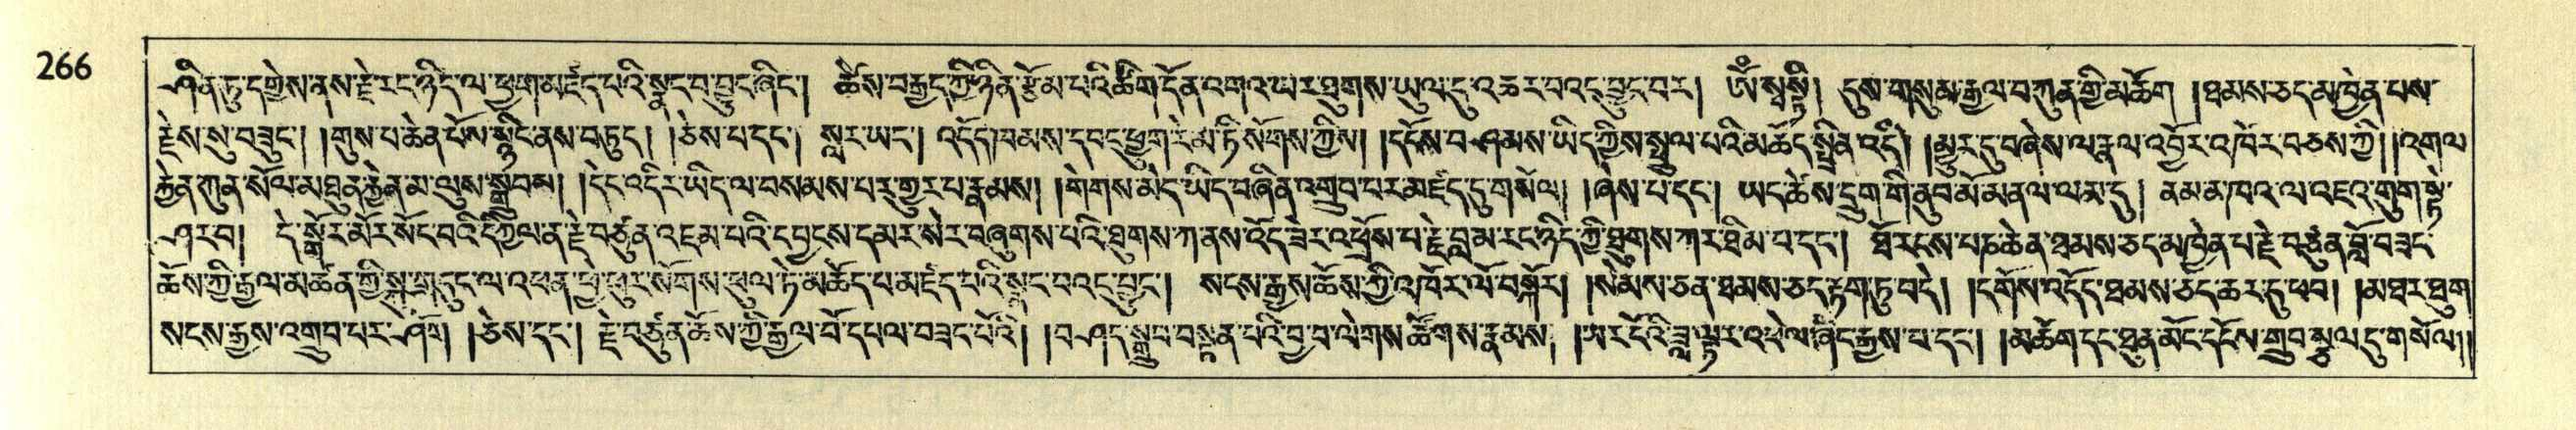ཤིན་ཏུ་དགྱེས་ནས་རྗེ་རང་ཉིད་ལ་ཕྱག་མཛད་པའི་སྣང་བ་བྱུང་ཞིང་། ཚེས་བརྒྱད་ཀྱི་ཉིན་རྩོམ་པའི་ཚིག་དོན་འགའ་ཡར་ཐུགས་ཡུལ་དུ་འཆར་བའང་བྱུང་བར། ཨོཾ་སྭསྟི། དུས་གསུམ་རྒྱལ་བ་ཀུན་གྱི་མཆོག །ཐམས་ཅད་མཁྱེན་པས་
རྗེས་སུ་བཟུང་། །གུས་པ་ཆེན་པོས་སྙིང་ནས་བཏུད། །ཅེས་པ་དང་། སླར་ཡང་། འདོད་ཁམས་དབང་ཕྱུག་རེ་མ་ཏི་སོགས་ཀྱིས། །དངོས་བཤམས་ཡིད་ཀྱིས་སྤྲུལ་པའི་མཆོད་སྤྲིན་འདི། །མྱུར་དུ་བཞེས་ལ་རྣལ་འབྱོར་འཁོར་བཅས་ཀྱི། །འགལ་
རྐྱེན་ཀུན་སོལ་མཐུན་རྐྱེན་མ་ལུས་སྒྲུབས། །དེང་འདིར་ཡིད་ལ་བསམས་པར་གྱུར་པ་རྣམས། །གེགས་མེད་ཡིད་བཞིན་འགྲུབ་པར་མཛད་དུ་གསོལ། །ཞེས་པ་དང་། ཡང་ཚེས་དྲུག་གི་ནུབ་མོ་མནལ་ལམ་དུ། ནམ་མཁའ་ལ་འཇའ་གུག་སྟེ་
ཤར་བ། དེ་སྒོར་མོར་སོང་བའི་དཀྱིལ་ན་རྗེ་བཙུན་འཇམ་པའི་དབྱངས་དམར་སེར་བཞུགས་པའི་ཐུགས་ཀ་ནས་འོད་ཟེར་འཕྲོས་པ་རྗེ་བླ་མ་རང་ཉིད་ཀྱི་ཐུགས་ཀར་ཐིམ་པ་དང་། ཐོ་རངས་པཎ་ཆེན་ཐམས་ཅད་མཁྱེན་པ་རྗེ་བཙུན་བློ་བཟང་
ཆོས་ཀྱི་རྒྱལ་མཚན་གྱི་སྐུ་གདུང་ལ་འཕན་ཕྱེ་ཕུར་སོགས་ཕུལ་ཏེ་མཆོད་པ་མཛད་པའི་སྣང་བའང་བྱུང་། སངས་རྒྱས་ཆོས་ཀྱི་འཁོར་ལོ་བསྐོར། །སེམས་ཅན་ཐམས་ཅད་རྟག་ཏུ་བདེ། །དགོས་འདོད་ཐམས་ཅད་ཆར་དུ་ཕབ། །མཐར་ཐུག་
སངས་རྒྱས་འགྲུབ་པར་ཤོག །ཅེས་དང་། རྗེ་བཙུན་ཆོས་ཀྱི་རྒྱལ་བོ་དཔལ་བཟང་པོའི། །བཤད་སྒྲུབ་བསྟན་པའི་བྱ་བ་ལེགས་ཚོགས་རྣམས། །ཡར་ངོའི་ཟླ་ལྟར་འཕེལ་ཞིང་རྒྱས་པ་དང་། །མཆོག་དང་ཐུན་མོང་དངོས་གྲུབ་སྩལ་དུ་གསོལ།།